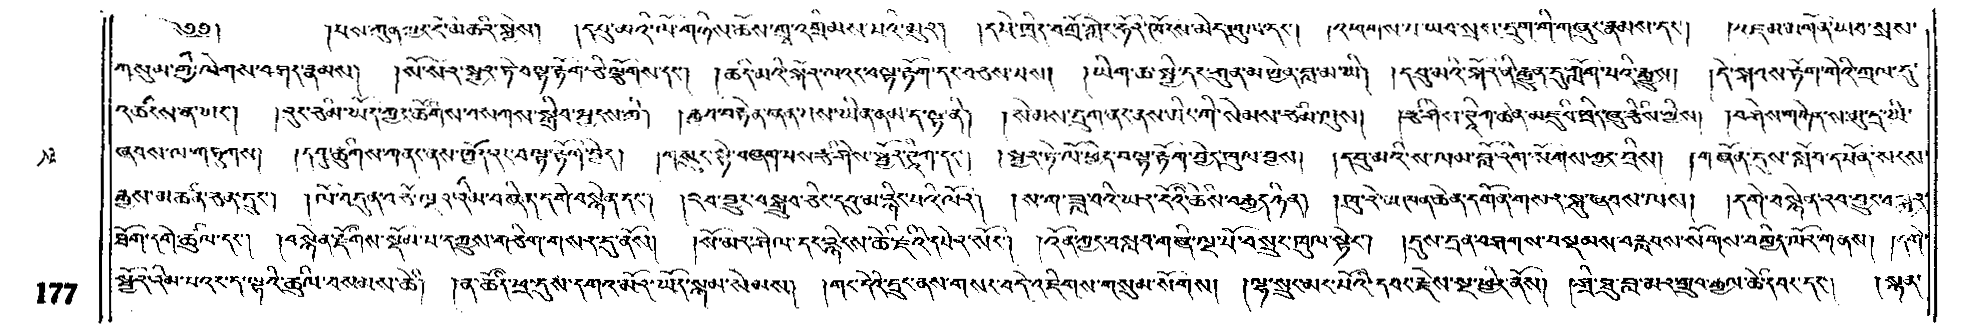༄༅། །པས་ཀུན་ཀྱང་ངོ་མཚར་སྐྱེས། །དབུ་མའི་ལོ་གཉིས་ཆོས་གྲྭ་འགྲིམས་པའི་མུར། །དཔེ་ཁྲིད་བགྲོ་གླེང་ཧོར་ཁོངས་མེད་ཁུལ་དང་། །འཕགས་པ་ཡབ་སྲས་དྲུག་གི་གཞུང་རྣམས་དང་། །འཇམ་མགོན་ཡབ་སྲས་
གསུམ་གྱི་ལེགས་བཤད་རྣམས། །སོ་སོར་སྦྱར་ཏེ་བལྟ་རྟོག་ཅི་ལྕོགས་དང་། །ཚད་མའི་སྐོར་ལའང་བལྟ་རྟོག་དང་བཅས་པས། །ཡིག་ཆ་སྤྱི་དང་ཀུན་མཁྱེན་བླ་མ་ཡི། །དབུ་མའི་སྐོར་ནི་རྒྱུན་དུ་ཀློག་པའི་རྒྱུས། །དེ་སྐབས་རྟོག་གེའི་གྲལ་ད་
འཚངས་ན་ཡང་། །རུང་ཙམ་ཡོད་ཀྱང་ཚོགས་བསགས་སྒྲིབ་སྦྱངས་གྱི། །རྒྱབ་བརྟེན་ཞན་པས་ཡིན་ནམ་ད་ལྟ་ནི། །སེམས་དྲུག་ནང་ནས་མིང་གི་སེམས་ཙམ་ལུས། །རྩ་ཤིས་ཊཱིཀ་ཆེན་མཛུབ་ཁྲིད་ཞུ་རྩིས་ཀྱིས། །བཤེས་གཉེན་ས་མུ་དྲ་ཡ་
ཞབས་ལ་གཏུགས། །དབུ་ཚུགས་གནང་ནས་ཁྱོད་རང་བལྟ་རྟོག་བྱེད། །གསུང་སྟེ་བཞག་པས་རྩི་ཤེས་སྦྱོར་ཊཱིཀ་དང་། །སྦྱར་ཏེ་ལོ་ཕྱེད་བལྟ་རྟོག་བྱེད་ཁུལ་བྱས། །དབུ་མའི་ས་ལམ་བློ་རིག་སོགས་ཀྱང་བྲིས། །གཞོན་དུས་སློབ་དཔོན་སངས་
རྒྱས་མཚན་ཅན་དྲུང་། །ལོ་བདུན་བཅོ་ལྔར་རིམ་བཞིན་དགེ་བསྙེན་དང་། །རབ་བྱུང་བསྒྲུབ་ཅིང་དབུ་མ་རྙིང་པའི་ལོར། །ས་ག་ཟླ་བའི་ཡར་ངོའི་ཚེས་བརྒྱད་ཉིན། །ཁུ་རེ་མཁན་ཆེན་དགོན་གསར་སྐུ་ཞབས་ལས། །དགེ་བསྙེན་རབ་བྱུང་བསྐྱར་
ཐོག་དགེ་ཚུལ་དང་། །བསྙེན་རྫོགས་སྡོམ་པ་དཀྱུས་གཅིག་གསར་དུ་ནོས། །སོ་མར་ཤེལ་དང་རྙིངས་ཚེ་རྗེའི་དཔེར་སོང་། །འོན་ཀྱང་བསླབ་གཞི་ལྔ་པོ་བསྲུང་ཁུལ་སྟེང་། །དུས་དྲན་བཤགས་བསྡམས་བརླབས་སོགས་བྑྱིད་ལོར་གནས། །དགེ་
སྦྱོར་རིམ་པའང་ད་ལྟའི་ཚུལ་བསམས་ཚེ། །ན་ཚོད་ཕྲ་དུས་དགའ་མོར་ཡོད་སྙམ་སེམས། །གང་དེའི་དྲུང་ནས་གསང་བདེ་འཇིགས་གསུམ་སོགས། །ལྷ་སྲུང་མང་བོའི་དབང་རྗེས་སྔ་ཕྱིར་ནོས། །ཤྲི་ཐུ་བླ་མར་གྲུབ་རྒྱལ་ཚེ་དབང་དང་། །སྙན་